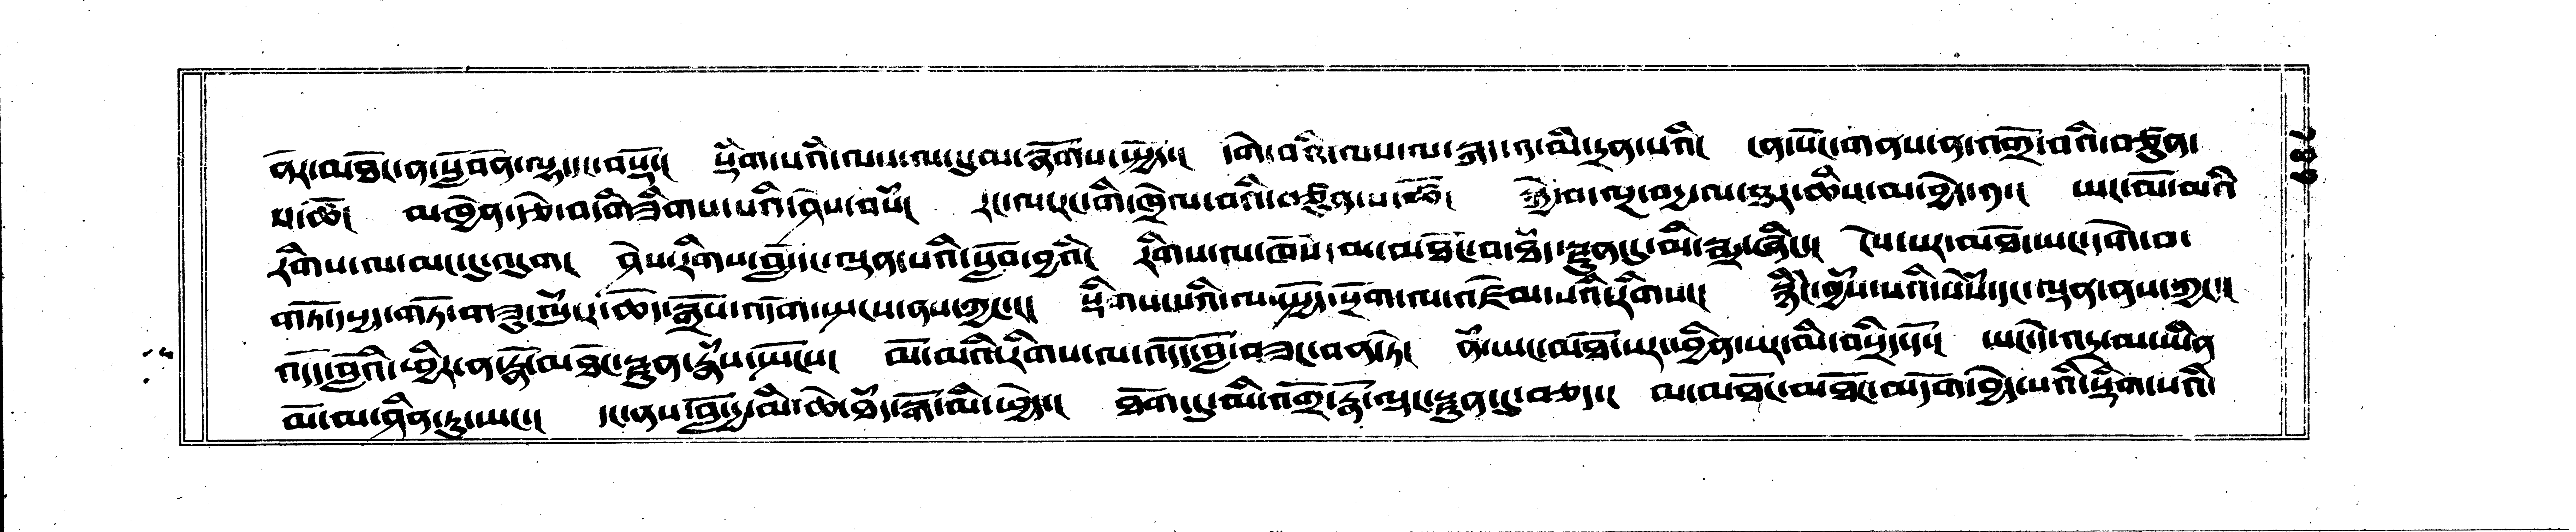ནོར་མཐོང་ནས་སློབ་དཔོན་ལྷ་ལ་བསྡོ། སྡིག་པའི་ལས་ལ་སྣ་ཚོགས་དུ་མ་སྤྱོད། དགེ་བའི་ལས་སྤྱོད་སྐད་ཅིག་མི་དྲན་པའི། ངན་སོང་གནས་ན་འགྲོ་བའི་བཙུན་
པ་ཚོ། མཁྱེན་བརྩེ་བདག་གིས་གཟིགས་པ་༼མ༽ཤེས་སམ། རང་ལ་རང་གིས་ཁྲེལ་བའི་བཙུན་པ་ཚོ། སྐྱེ་བ་ལྔ་བརྒྱ་ཐར་བར་ཆིས་མ་བྱེད་གཅིག ཡང་མོ་མའི་
རིག་ལ་གཉིས་ཡོད་སྟེ། ཤེས་རིག་བློ་དང་ལྡན་པས་བསླབ་བྱའི་རིགས་ལ་མཁས། མ་མཐོང་ཐམས་ཅད་རྫུན་དུ་མི་སྨྲ་ཞིང། ངེས་པར་མཐོང་ཡང་དགེ་བའི་
ལས་སྤྱོད་སྟོན།གཟུ་ལུམ་ར་ཆོད་སྒྲོས་འདོགས་སྤང་ནས་ཡང། སྡིག་པའི་ལས་སྤྱོད་སྲོག་ལ་འཛེམས་པའི་རིགས། སྙིང་རྗེ་བྱམས་པའི་སེམས་དང་ལྡན་ནས་ཀྱང། 
འདོད་བློའི་ཕྱིར་ན་རྫུན་རྣམས་སྤང། མོ་མའི་རིགས་ལ་དེ་འདྲ་བཟང་བེན་ཏེ། ནམ་ཡང་མཐོ་སར་ཕྱིན་པར་མི་སྲིད་དོ། ཡང་དེ་མ་ཡིན་
པའི་མོ་མ་ཤིན་ཏུ་མང་། དང་པོ་ནས་རྒྱ་ཅན་མི་སློབ་ཐམས་ཅད་མོ་སྒོ་མི་ཕྱེ། “ཐོག་ན་མི་འགྲོ་རྣོ་ལྟང་རྫུན་དུ་བཅད། མ་མཐོང་མཐོང་མདོག་བྱེད་ནས་སྡིཌ་པའི་